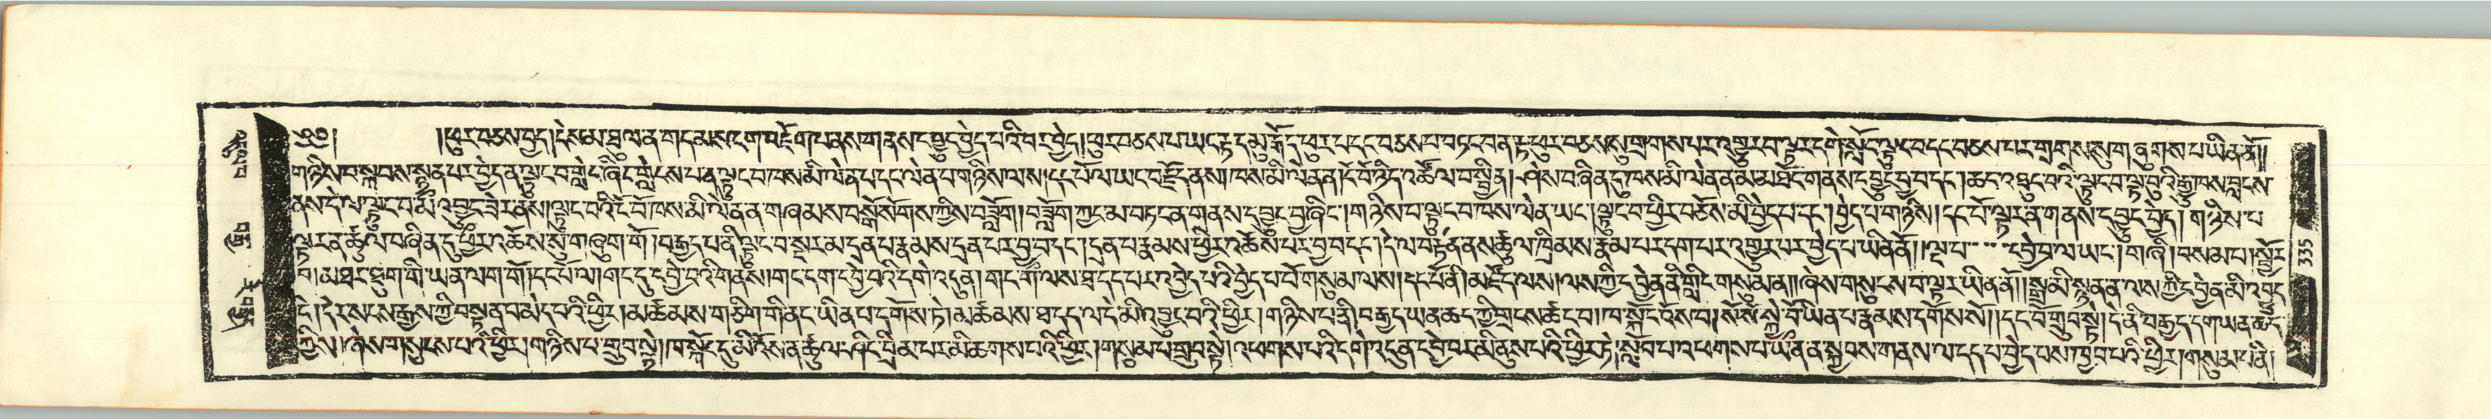༄༅། །ཕུར་བཅས་བྱད། དེས་མ་ཐུལ་ན་གདམས་ངག་འཇོག་པ་ནས་གནས་དབྱུང་བྱེད་པའི་བར་བྱེད། ཕུར་བཅས་པ་ཡང་རྟད་མུ་རྒོད་ཕུར་པ་དང་བཅས་པ་བཏང་བ་ན་རྟ་ཕུར་བཅས་སུ་གྲགས་པར་འགྱུར་བ་ལྟར་དགེ་སློང་ལྟུང་བ་དང་བཅས་པར་གྲགས་སུ་གཞུགས་པ་ཡིན་ནོ།།
གཉིས་པ་སྐབས་སྙན་པར་བྱེད་ན་ལྟུང་བ་གླེང་ཞིང་གླེངས་པ་ན་ལྟུང་བ་ཁས་མི་ལེན་པ་དང་ལེན་པ་གཉིས་ལས། དང་པོ་ལ་ཡང་བརྗོད་ནས། ཁས་མི་ལེན་ན། ངོ་བོ་ཉིད་འཚོལ་བ་སྦྱིན། ཤེས་བཞིན་དུ་ཁས་མི་ལེན་ན་མ་མཐོང་གནས་དབྱུང་བྱ་བ་དང་། ཆང་འཐུང་བའི་ལྟུང་བ་ལྟ་བུའི་རྒྱུ་ཁས་བླངས་
ནས་དེ་ལ་ལྟུང་བ་མི་འབྱུང་ཟེར་ནས། ལྟུང་བའི་ངོ་བོ་ཁས་མི་ལེན་ན་གཞམས་བསྒོ་སོགས་ཀྱིས་བཟློག །བཟློག་ཀྱང་མ་བཏང་ན་གནས་དབྱུང་བྱ་ཞིང་། གཉིས་པ་ལྟུང་བ་ཁས་ལེན་ཡང་། ལྟུང་བ་ཕྱིར་བཅོས་མི་བྱེད་པ་དང་། བྱེད་པ་གཉིས། དང་པོ་ལྟར་ན་གནས་དབྱུང་བྱེད། གཉིས་པ་
ལྟར་ན་ཚུལ་བཞིན་དུ་ཕྱིར་འཆོས་སུ་གཞུག་གོ །བརྒྱད་པ་ནི་ལྟུང་བ་སྔར་མ་དྲན་པ་རྣམས་དྲན་པར་བྱ་བ་དང་། དྲན་པ་རྣམས་ཕྱིར་འཆོས་པར་བྱ་བ་དང་། དེ་ལ་བརྟེན་ནས་ཚུལ་ཁྲིམས་རྣམ་པར་དག་པར་འགྱུར་པར་བྱེད་པ་ཡིན་ནོ། །ལྔ་པ་དབྱེ་བ་ལ་ཡང་། གཞི། བསམ་པ། སྦྱོར་
བ༑ མཐར་ཐུག་གི་ཡན་ལག་གོ །དང་པོ་ལ། གང་དུ་དབྱེ་བའི་གནས། གང་དག་དབྱེ་བའི་དགེ་འདུན། གང་གི་ལས་ཐ་དད་པར་འབྱེད་པའི་བྱེད་པ་པོ་གསུམ་ལས། དང་པོ་ནི། མཛོད་ལས། ལས་ཀྱི་དབྱེན་ནི་གླིང་གསུམ་ན། །ཞེས་གསུངས་བ་ལྟར་ཡིན་ནོ། །སྒྲ་མི་སྙན་ན་ལས་ཀྱི་དབྱེན་མི་འབྱུང་
དེ༑ དེར་སངས་རྒྱས་ཀྱི་བསྟན་པ་མེད་པའི་ཕྱིར། མཚམས་གཅིག་གི་ནང་ཡིན་པ་དགོས་ཏེ། མཚམས་ཐ་དད་ལ་དེ་མི་འབྱུང་བའི་ཕྱིར། གཉིས་པ་ནི། བརྒྱད་ཡན་ཆད་ཀྱི་གྲངས་ཚང་བ། ཁ་སྐོང་འོས་བ། སོ་སོ་སྐྱེ་བོ་ཡིན་པ་རྣམས་དགོས་སོ། །དང་པོ་གྲུབ་སྟེ། དེ་ནི་བརྒྱད་དག་ཡན་ཆད་
ཀྱིས༑ ཞེས་གསུངས་པའི་ཕྱིར། གཉིས་པ་གྲུབ་སྟེ། ཁ་སྐོང་དུ་མི་འོས་ན་ཚུལ་ཤིང་བྲིམ་པར་མི་ཆགས་པའི་ཕྱིར། གསུམ་པ་གྲུབ་སྟེ། འཕགས་པའི་དགེ་འདུན་དབྱེ་བར་མི་ནུས་པའི་ཕྱིར་ཏེ། སློབ་པ་འཕགས་པ་ཡིན་ན་སྐྱབས་གནས་ལ་དད་པ་བྱེད་པས་ཁྱབ་པའི་ཕྱིར། གསུམ་པ་ནི།